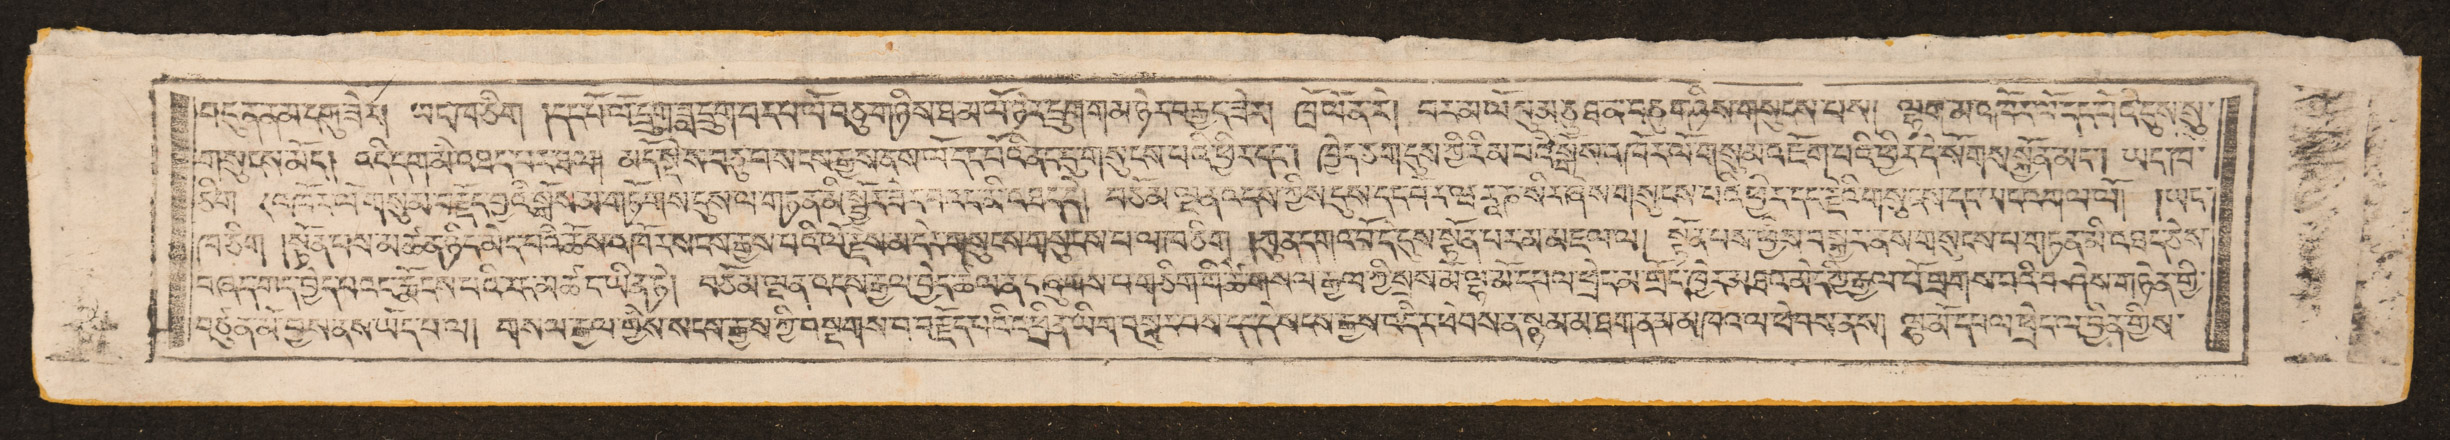བདུན་ནམ་དགུ་ཟེར། ཡང་ཁ་ཅིག །དང་པོ་ལོ་དྲུག་ཟླ་དྲུག་བར་བ་ལོ་བཅུ་གཉིས་ཐ་མ་ལོ་ཉེར་དྲུག་ག་མ་ཉེར་བརྒྱད་ཟེར། ཁྲོ་ལོ་ན་རེ། བར་མ་ལོ་སུམ་ཅུ་ཐ་མ་བཅུ་གཉིས་གསུངས་པས། ལྷག་མ་འཁོར་ལོ་དང་པོའི་དུས་སུ་
གསུངས་མོད། འདི་དག་མི་འཐད་པར་ཐལ། མདོ་སྡེས་བཅུ་པ་སངས་རྒྱས་ནས་ལོ་དང་པོའི་ནང་དུ་གསུངས་པའི་ཕྱིར་དང་། ཁྱེད་ཆག་དུས་ཀྱི་རིམ་པའི་སྒོས་འཁོར་ལོ་གསུམ་འཇོག་པའི་ཕྱིར་དེ་སོགས་སྐྱོན་མང་། ཡང་ཁ་
ཅིག །འཁོར་ལོ་གསུམ་བརྗོད་བྱའི་སྒོས་མ་གཏོགས་དུས་ལ་གཏན་མི་སྦྱོར་ཟེར་བའང་མི་འཐད་དེ། བཅོམ་ལྡན་འདས་ཀྱིས་དུས་དང་པོར་ཝ་རཱ་ཎ་སིར་ཞེས་གསུངས་པའི་ཕྱིར་དང་རྗེའི་གསུངས་དང་ཡང་འགལ་ལོ། །ཡང་
ཁ་ཅིག །སྟོན་པས་མཚན་ཉིད་མེད་པའི་ཆོས་འཁོར་སངས་རྒྱས་པའི་ལོ་རྗེས་མ་དེར་གསུངས་གསུངས་པ་ལ་ཁ་ཅིག །ཀུན་དགའ་བོ་དེ་དུས་སྟོན་པར་མ་མཇལ་ལ། སྟོན་པས་ཕྱིས་བསྐྱར་ནས་གསུངས་པ་གཏན་མི་འཐད་ཅེས་
བཞད་གད་བྱེད་པའང་རྨོངས་པའི་རང་མཚང་ཡིན་ཏེ། བཅོམ་ལྡན་འདས་རྒྱལ་བྱེད་ཚལ་ན་བཞུགས་པ་གཅིག་གི་ཚེ་གསལ་རྒྱལ་གྱི་སྲས་མོ་ལྷ་མོ་དཔལ་ཕྲེང་མ་གྲོང་ཁྱེར་མཐའ་མེད་ཀྱི་རྒྱལ་པོ་གྲགས་པའི་བཤེས་གཉེན་གྱི་
བཙུན་མོ་བྱས་ནས་ཡོད་པ་ལ། གསལ་རྒྱལ་གྱིས་སངས་རྒྱས་ཀྱི་བསྔགས་པ་བརྗོད་པའི་འཕྲིན་ཡིག་བསྐུར་བས་དད་དེ་སངས་རྒྱས་འདིར་ཕེབས་ན་སྙམ་མ་ཐག་ནམ་མཁའ་ལ་ཕེབས་ནས། ལྷ་མོ་དཔལ་འཕྲེང་ལ་བྱིན་གྱིས་